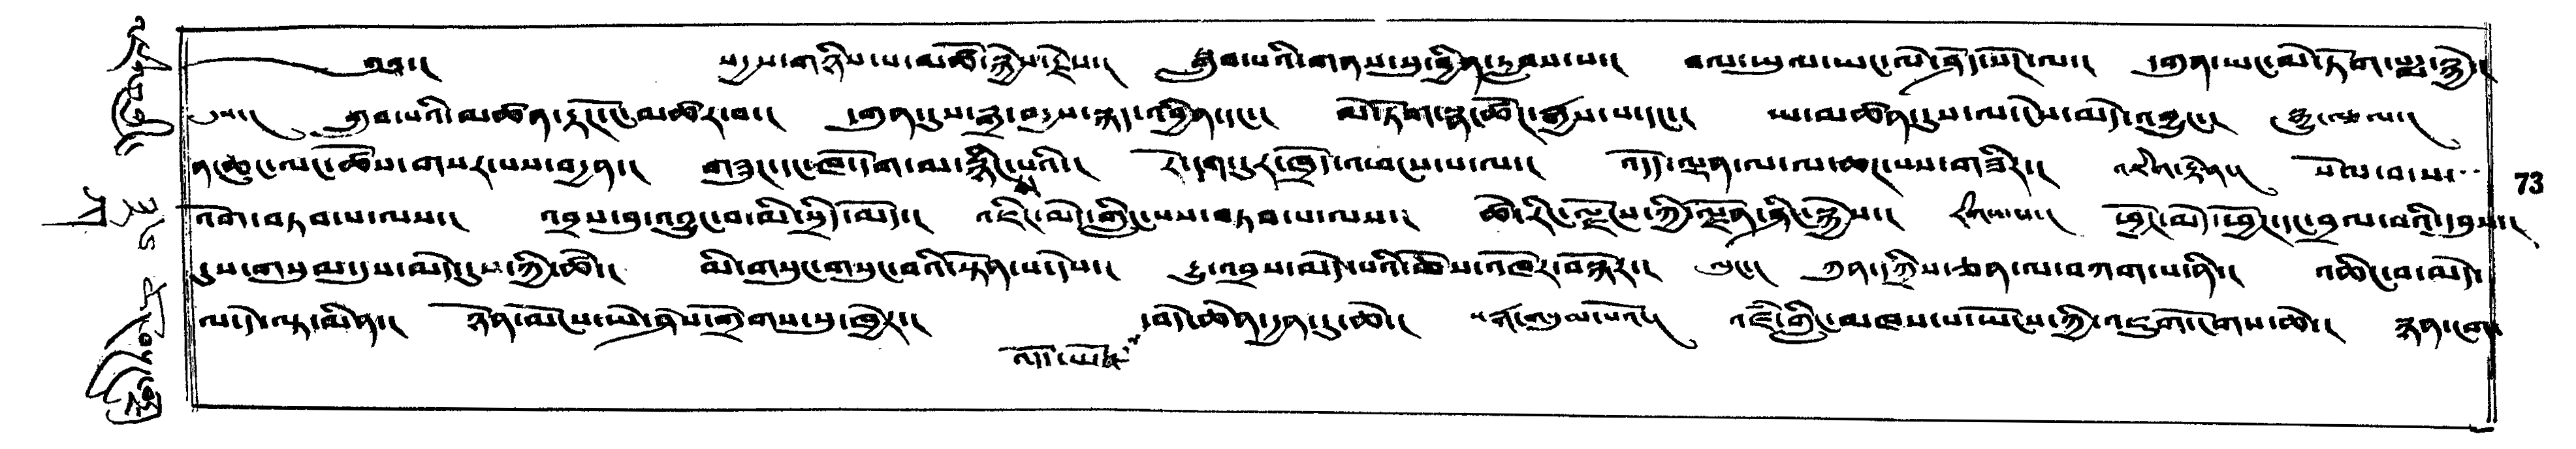སངས་རྒྱས་གཉིས་པ་མཚོ་སྐྱེས་རྗེས། །སྒྲུབ་པའི་གནས་སུ་བྱིན་རླབས་པ། །བལ་ཡུལ་ཡང་ལེ་ཤོད་སོགས་སུ། །དགུན་ཡང་མེ་ཏོག་པདྨ་སྐྱེ། །
 དུས། སྒྲུབ་པའི་མཚན་རྟགས་ངོ་མཚར་བ། །དགུན་དུས་སྒྲ་བརྒྱས་སྐད་འབྱིན་དང་། །མེ་ཏོག་སྣ་ཚོགས་རྒྱས་པ་དང་། །ཡ་མཚན་དུས་ལ་ངེས་མེད་འབྱུང་། ། སྒྱུ་རྩལ། 
ན་ཆུང་ལང་ཚོ་གསར་པས་བརྒྱན། །གཟུགས་དང་ཁ་དོག་མ་རྙིང་པའི། །རོ་དག་དུར་ཁྲོད་འཕངས་པ་ལ། །འདོད་ལྡན་ལ་ལ་ཆགས་པས་གཟིར། ། འཇིག་རྟེན། སོལ་བ་ས་
འོག་བཏབ་པ་ལས། །འབྲས་བུ་འབྱུང་བ་མི་སྲིད་མོད། །འཇིགས་མེད་གླིང་པས་བཏབ་པ་ལས། །ཚེ་རིང་ལྗོངས་ཀྱི་ལྗོན་ཤིང་སྐྱེས། ། རིགས་པ། ཕྱོགས་མེད་ཕྱོགས་དང་བྲལ་བའི་དབུས། །
དུས་གསུམ་དུས་མེད་དུས་ཀྱི་ཚེ། །མི་གསུངས་གསུངས་པའི་སྟོན་པ་དེས། །རྒྱུ་འབྲས་མེད་པའི་ཆོས་འཁོར་བསྐོར། ། ལུང་། ཀུན་དཀྲིས་ཅན་ལ་བཀག་པ་ནི། །འཆིང་བ་མེད་
ལ་དེ་ལྟ་མིན། །ཉོན་མོངས་ཡེ་ཤེས་གྲོགས་སུ་ཁྱེར། །འདོད་ཡོན་བདེ་ཆེན་རྒྱན་དུ་ཆེ། ། སརྒ་གསུམ་པའོ། །།། འཛམ་གླིང་མཁས་པ་ཡོངས་ཀྱི་འཇུག་ངོགས་ཆེ། །སྙན་ངག་